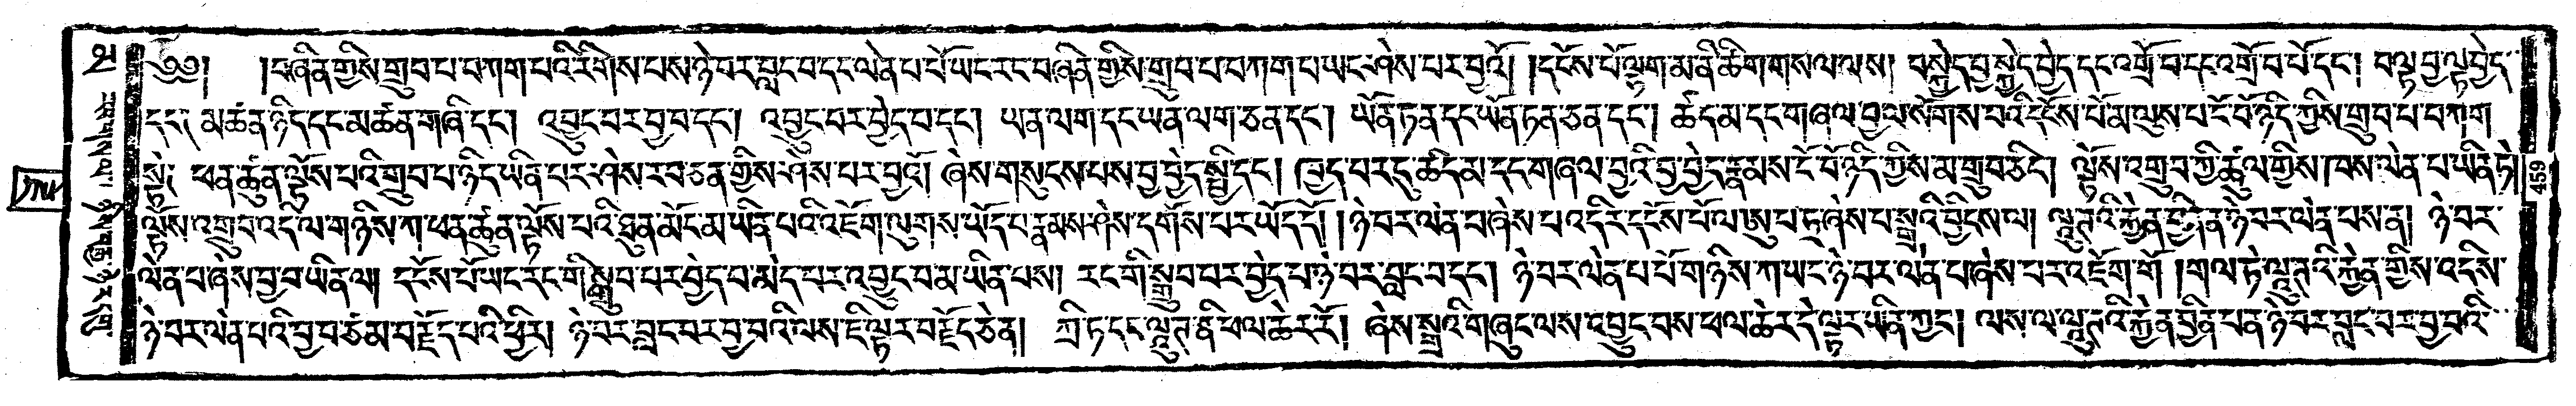༄༅། །བཞིན་གྱིས་གྲུབ་པ་བཀག་པའི་རིགས་པས་ཉེ་བར་བླང་བ་དང་ལེན་པ་པོ་ཡང་རང་བཞིན་གྱིས་གྲུབ་པ་བཀག་པ་ཡང་ཤེས་པར་བྱའོ། །དངོས་པོ་ལྷག་མ་ནི་ཚིག་གསལ་ལས། བསྐྱེད་བྱ་སྐྱེད་བྱེད་དང་འགྲོ་བ་དང་འགྲོ་བ་པོ་དང་། བལྟ་བྱ་ལྟ་བྱེད་
དང༑ མཚན་ཉིད་དང་མཚན་གཞི་དང་། འབྱུང་བར་བྱ་བ་དང་། འབྱུང་བར་བྱེད་པ་དང་། ཡན་ལག་དང་ཡན་ལག་ཅན་དང་། ཡོན་ཏན་དང་ཡོན་ཏན་ཅན་དང་། ཚད་མ་དང་གཞལ་བྱ་ལ་སོགས་པའི་དངོས་པོ་མ་ལུས་པ་ངོ་བོ་ཉིད་ཀྱིས་གྲུབ་པ་བཀག་
སྟེ༑ ཕན་ཚུན་ལྟོས་པའི་གྲུབ་པ་ཉིད་ཡིན་པར་ཤེས་རབ་ཅན་གྱིས་ཤེས་པར་བྱའོ། ཞེས་གསུངས་པས་བྱ་བྱེད་སྤྱི་དང་། ཁྱད་པར་དུ་ཚད་མ་དང་གཞལ་བྱའི་བྱ་བྱེད་རྣམས་ངོ་བོ་ཉིད་ཀྱིས་མ་གྲུབ་ཅིང་། ལྟོས་འགྲུབ་ཀྱི་ཚུལ་གྱིས་ཁས་ལེན་པ་ཡིན་ཏེ།
ལྟོས་འགྲུབ་འདི་ལ་གཉིས་ཀ་ཕན་ཚུན་ལྟོས་པའི་ཐུན་མོང་མ་ཡིན་པའི་འཇོག་ལུགས་ཡོད་པ་རྣམས་ཤེས་དགོས་པར་ཡོད་དོ། །ཉེ་བར་ལེན་པ་ཞེས་པ་འདིར་དངོས་པོ་ལ་ཨུ་པ་ཏྲ་ཞེས་པ་སྒྲའི་བྱིངས་ལ། ལཱུ་ཊའི་རྐྱེན་བྱིན་ན་ཉེ་བར་ལེན་པས་ན། ཉེ་བར་
ལེན་པ་ཞེས་བྱ་བ་ཡིན་ལ། དངོས་པོ་ཡང་རང་གི་སྒྲུབ་པར་བྱེད་པ་མེད་པར་འབྱུང་བ་མ་ཡིན་པས། རང་གི་སྒྲུབ་པར་བྱེད་པ་ཉེ་བར་བླང་བ་དང་། ཉེ་བར་ལེན་པ་པོ་གཉིས་ཀ་ཡང་ཉེ་བར་ལེན་པ་ཞེས་པར་འཇོག་གོ །གལ་ཏེ་ལཱུ་ཊའི་རྐྱེན་གྱིས་འདིས་
ཉེ་བར་ལེན་པའི་བྱ་བ་ཙམ་བརྗོད་པའི་ཕྱིར། ཉེ་བར་བླང་བར་བྱ་བའི་ལས་ཇི་ལྟར་བརྗོད་ཅེ་ན། ཀྲི་ཏ་དང་ལཱུ་ཊ་ནི་ཕལ་ཆེར་རོ། ཞེས་སྒྲའི་གཞུང་ལས་འབྱུང་བས་ཕལ་ཆེར་དེ་ལྟར་ཡིན་ཀྱང་། ལས་ལ་ལཱུ་ཊའི་རྐྱེན་བྱིན་པ་ན་ཉེ་བར་བླང་བར་བྱ་བའི་